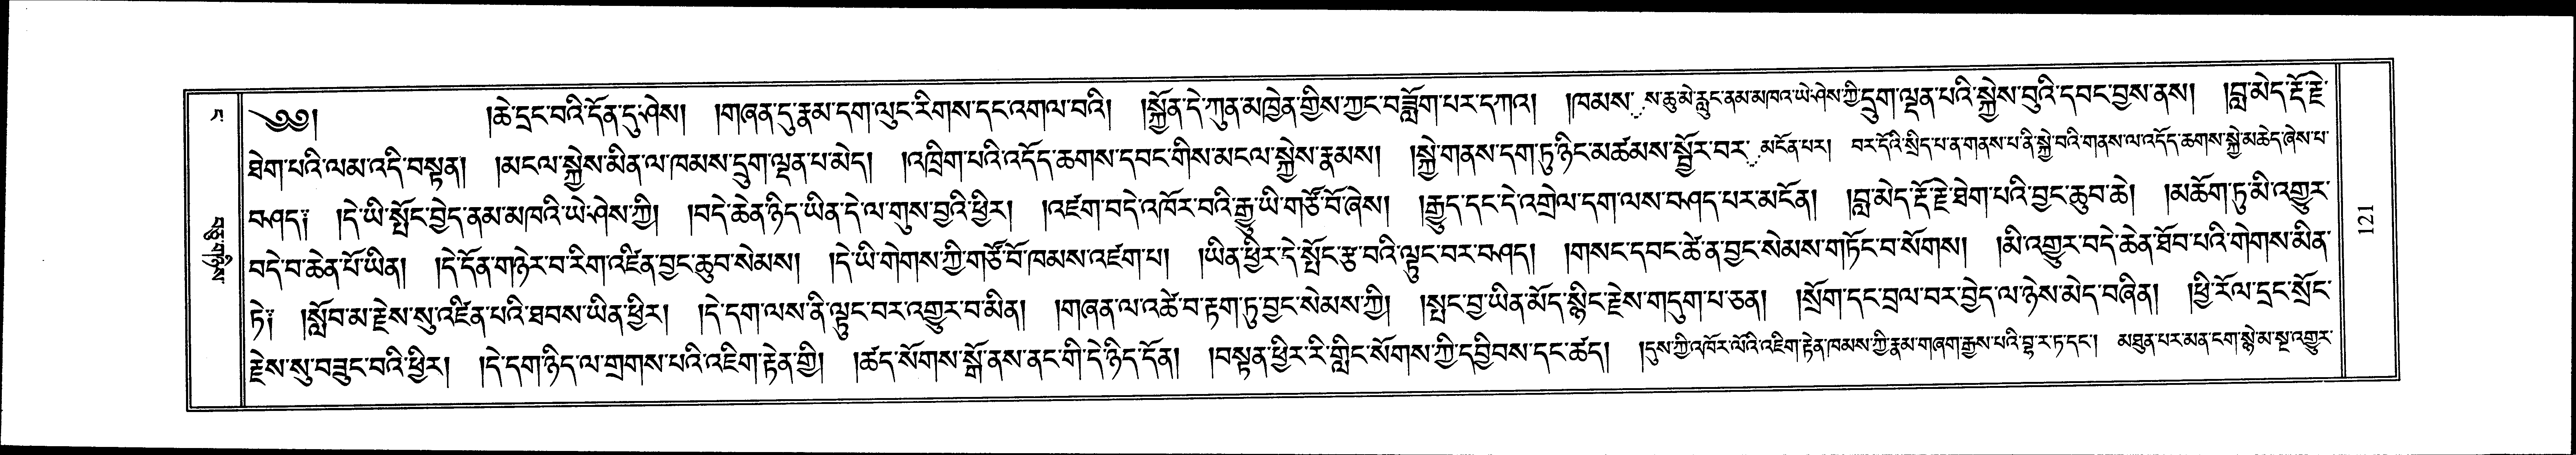༄༅། །ཆེ་དྲང་བའི་དོན་དུ་ཤེས། །གཞན་དུ་རྣམ་དག་ལུང་རིགས་དང་འགལ་བའི། །སྐྱོན་དེ་ཀུན་མཁྱེན་གྱིས་ཀྱང་བཟློག་པར་དཀའ། །ཁམས་ས་ཆུ་མེ་རླུང་ནམ་མཁའ་ཡེ་ཤེས་ཀྱི་དྲུག་ལྡན་པའི་སྐྱེས་བུའི་དབང་བྱས་ནས། །བླ་མེད་རྡོ་རྗེ་
ཐེག་པའི་ལམ་འདི་བསྟན། །མངལ་སྐྱེས་མིན་ལ་ཁམས་དྲུག་ལྡན་པ་མེད། །འཁྲིག་པའི་འདོད་ཆགས་དབང་གིས་མངལ་སྐྱེས་རྣམས། །སྐྱེ་གནས་དག་ཏུ་ཉིང་མཚམས་སྦྱོར་བར་མངོན་པར། བར་དོའི་སྲིད་པ་ན་གནས་པ་ནི་སྐྱེ་བའི་གནས་ལ་འདོད་ཆགས་སྐྱེ་མཆེད་ཞེས་པ་
བཤད། །དེ་ཡི་སྤོང་བྱེད་ནམ་མཁའི་ཡེ་ཤེས་ཀྱི། །བདེ་ཆེན་ཉིད་ཡིན་དེ་ལ་གུས་བྱའི་ཕྱིར། །འཛག་བདེ་འཁོར་བའི་རྒྱུ་ཡི་གཙོ་བོ་ཞེས། །རྒྱུད་དང་དེ་འགྲེལ་དག་ལས་བཤད་པར་མངོན། །བླ་མེད་རྡོ་རྗེ་ཐེག་པའི་བྱང་ཆུབ་ཆེ། །མཆོག་ཏུ་མི་འགྱུར་
བདེ་བ་ཆེན་པོ་ཡིན། །དེ་དོན་གཉེར་བ་རིག་འཛིན་བྱང་ཆུབ་སེམས། །དེ་ཡི་གེགས་ཀྱི་གཙོ་བོ་ཁམས་འཛག་པ། །ཡིན་ཕྱིར་དེ་སྤོང་རྩ་བའི་ལྟུང་བར་བཤད། །གསང་དབང་ཚེ་ན་བྱང་སེམས་གཏོང་བ་སོགས། །མི་འགྱུར་བདེ་ཆེན་ཐོབ་པའི་གེགས་མིན་
ཏེ། །སློབ་མ་རྗེས་སུ་འཛིན་པའི་ཐབས་ཡིན་ཕྱིར། །དེ་དག་ལས་ནི་ལྟུང་བར་འགྱུར་བ་མིན། །གཞན་ལ་འཚེ་བ་རྟག་ཏུ་བྱང་སེམས་ཀྱི། །སྤང་བྱ་ཡིན་མོད་སྙིང་རྗེས་གདུག་པ་ཅན། །སྲོག་དང་བྲལ་བར་བྱེད་ལ་ཉེས་མེད་བཞིན། །ཕྱི་རོལ་དྲང་སྲོང་
རྗེས་སུ་བཟུང་བའི་ཕྱིར། །དེ་དག་ཉིད་ལ་གྲགས་པའི་འཇིག་རྟེན་གྱི། །ཚད་སོགས་སྒོ་ནས་ནང་གི་དེ་ཉིད་དོན། །བསྟན་ཕྱིར་རི་གླིང་སོགས་ཀྱི་དབྱིབས་དང་ཚད། །དུས་ཀྱི་འཁོར་ལོའི་འཇིག་རྟེན་ཁམས་ཀྱི་རྣམ་གཞག་རྒྱས་པའི་བྷ་ར་ཏ་དང་། མཐུན་པར་མན་ངག་སྙེ་མ་སྔ་འགྱུར་